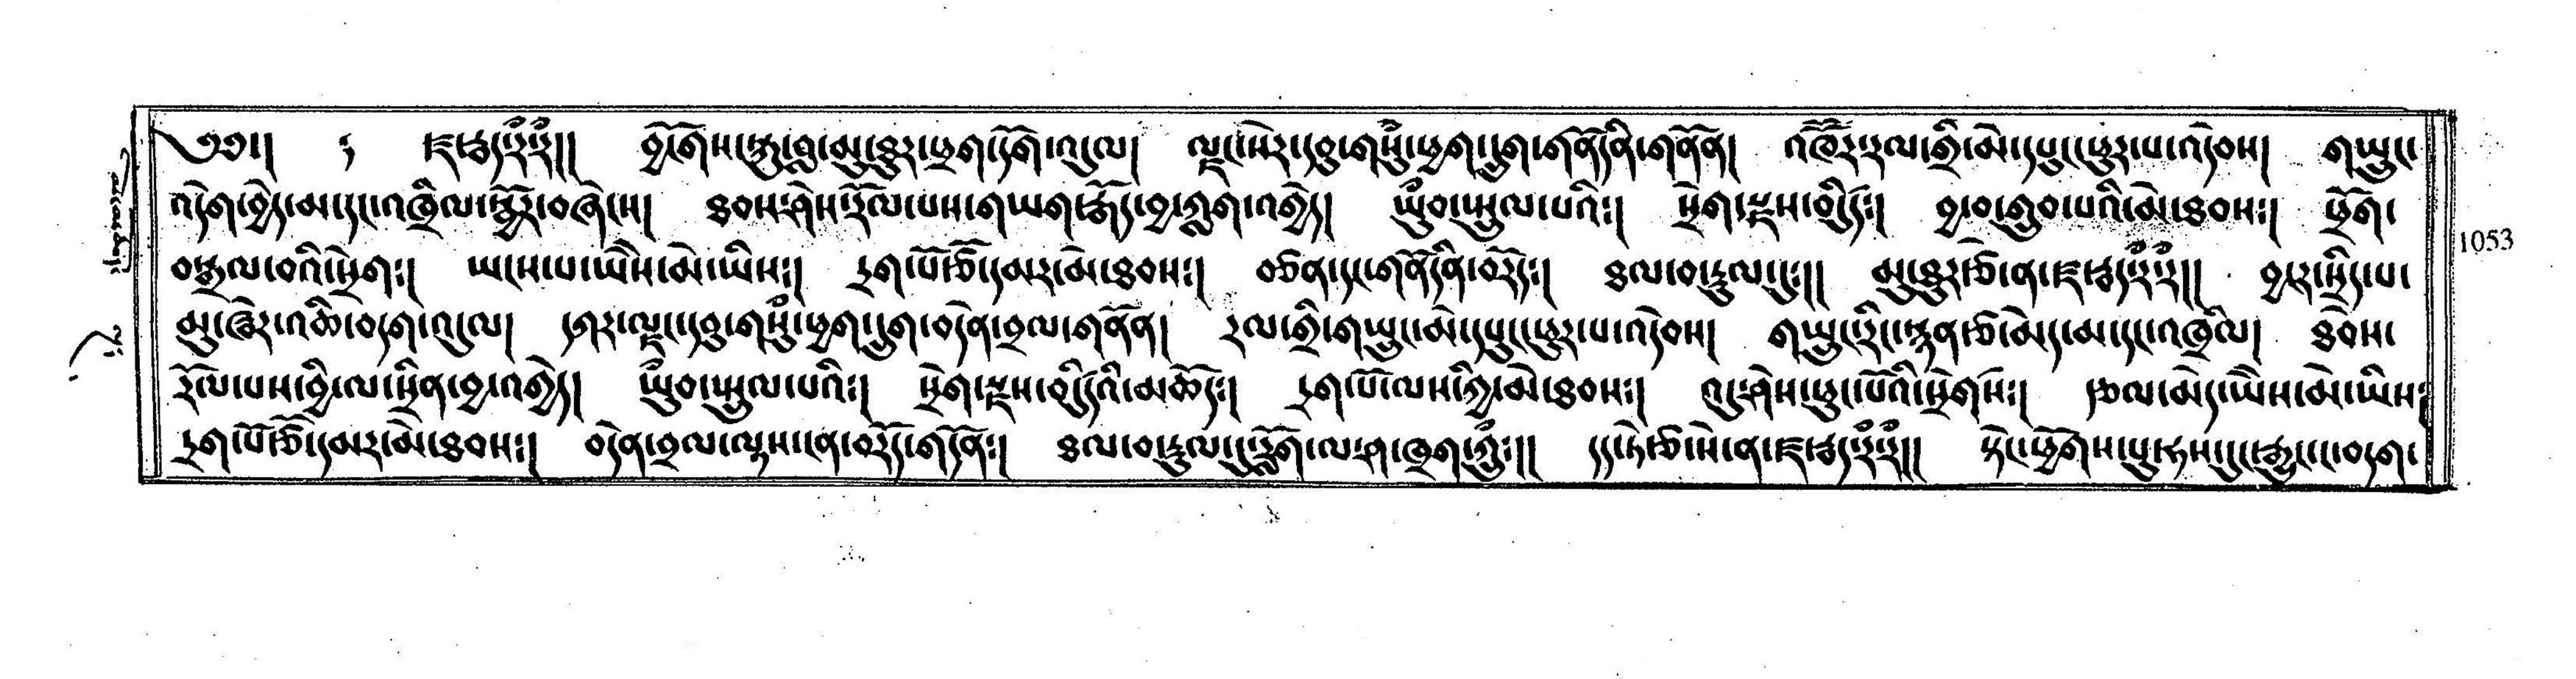ཛ་རྦད་རཾ་རཾ།། བྱང་ཕྱོགས་སྐུ་བླ་མུ་ཐུར་ཕྲག་དོག་འདུལ། ལྗང་སེར་དབུ་གསུམ་ཕྱག་དྲུག་གནོད་སྦྱིན་གནོན། འཁོར་ལོ་རལ་གྲི་མེ་དཔུང་ཕུར་པ་འདེབས། གཡུང་དྲུང་
འདེག་བྱེད་མ་དང་འཁྲིལ་སྦྱོར་བཞེངས། ཐབས་ཤེས་རོལ་པས་གཡག་རྒོད་བྱ་ཀླག་འགྱེད། ཡབ་ཡུམ་སྤྲུལ་པའི༴། སྲེག་རྫས་བདུད་རྩི༴། བྱ་བ་གྲུབ་པའི་མེ་ཐབས༴། ཕྲག་
དོག་བསྒྲལ་བའི་སྲེག༴། ཡངས་པ་ཡེ་ཤེས་མེ་ཡིས༴། དྲག་པོ་ཙོ་དམར་མེ་ཐབས༴། བཙན་དང་གནོད་སྦྱིན་བར་ཆོད༴། ཐལ་བ་རྡུལ་དུ༴།། མུ་ཐུར་ཙེ་ན་ཛ་རྦད་རཾ་རཾ།། བྱང་ཤར་སྲིད་པ་
མུ་ཝེར་འཆི་བདག་འདུལ། དཀར་ལྗང་དབུ་གསུམ་ཕྱག་དྲུག་བདེན་བྲལ་གནོན། རལ་གྲི་གཡུང་དྲུང་མེ་དཔུང་ཕུར་པ་འདེབས། གཡུང་དྲུང་རིང་སྙན་ཙ་མེད་མ་དང་འཁྲིལ། ཐབས་
ཤེས་རོལ་པས་བྱི་ལ་སྲིན་བྱ་འགྱེད། ཡབ་ཡུམ་སྤྲུལ་པའི༴། སྲེག་རྫས་བདུད་རྩིའི་མཆོད༴། དྲག་པོ་ལས་ཀྱི་མེ་ཐབས༴། འདུ་ཤེས་ཕུང་པོའི་སྲེག་རྫས་༴། རྩལ་མེད་ཡེ་ཤེས་མེ་ཡིས༴། 
དྲག་པོ་ཙོ་དམར་མེ་ཐབས༴། བདེན་བྲལ་ལྟས་ངན་བར་ཆོད་གདོན༴། ཐལ་བ་རྡུལ་དུ་རློག་ལ་ཤ་ཁྲག་ཀྲུམ༴།། དད་ཏེ་ཙ་སེ་ན་ཛ་རྦད་རཾ་རཾ།། སྟེང་ཕྱོགས་སུ་ཧས་དུང་རྒྱུང་ང་བདག་